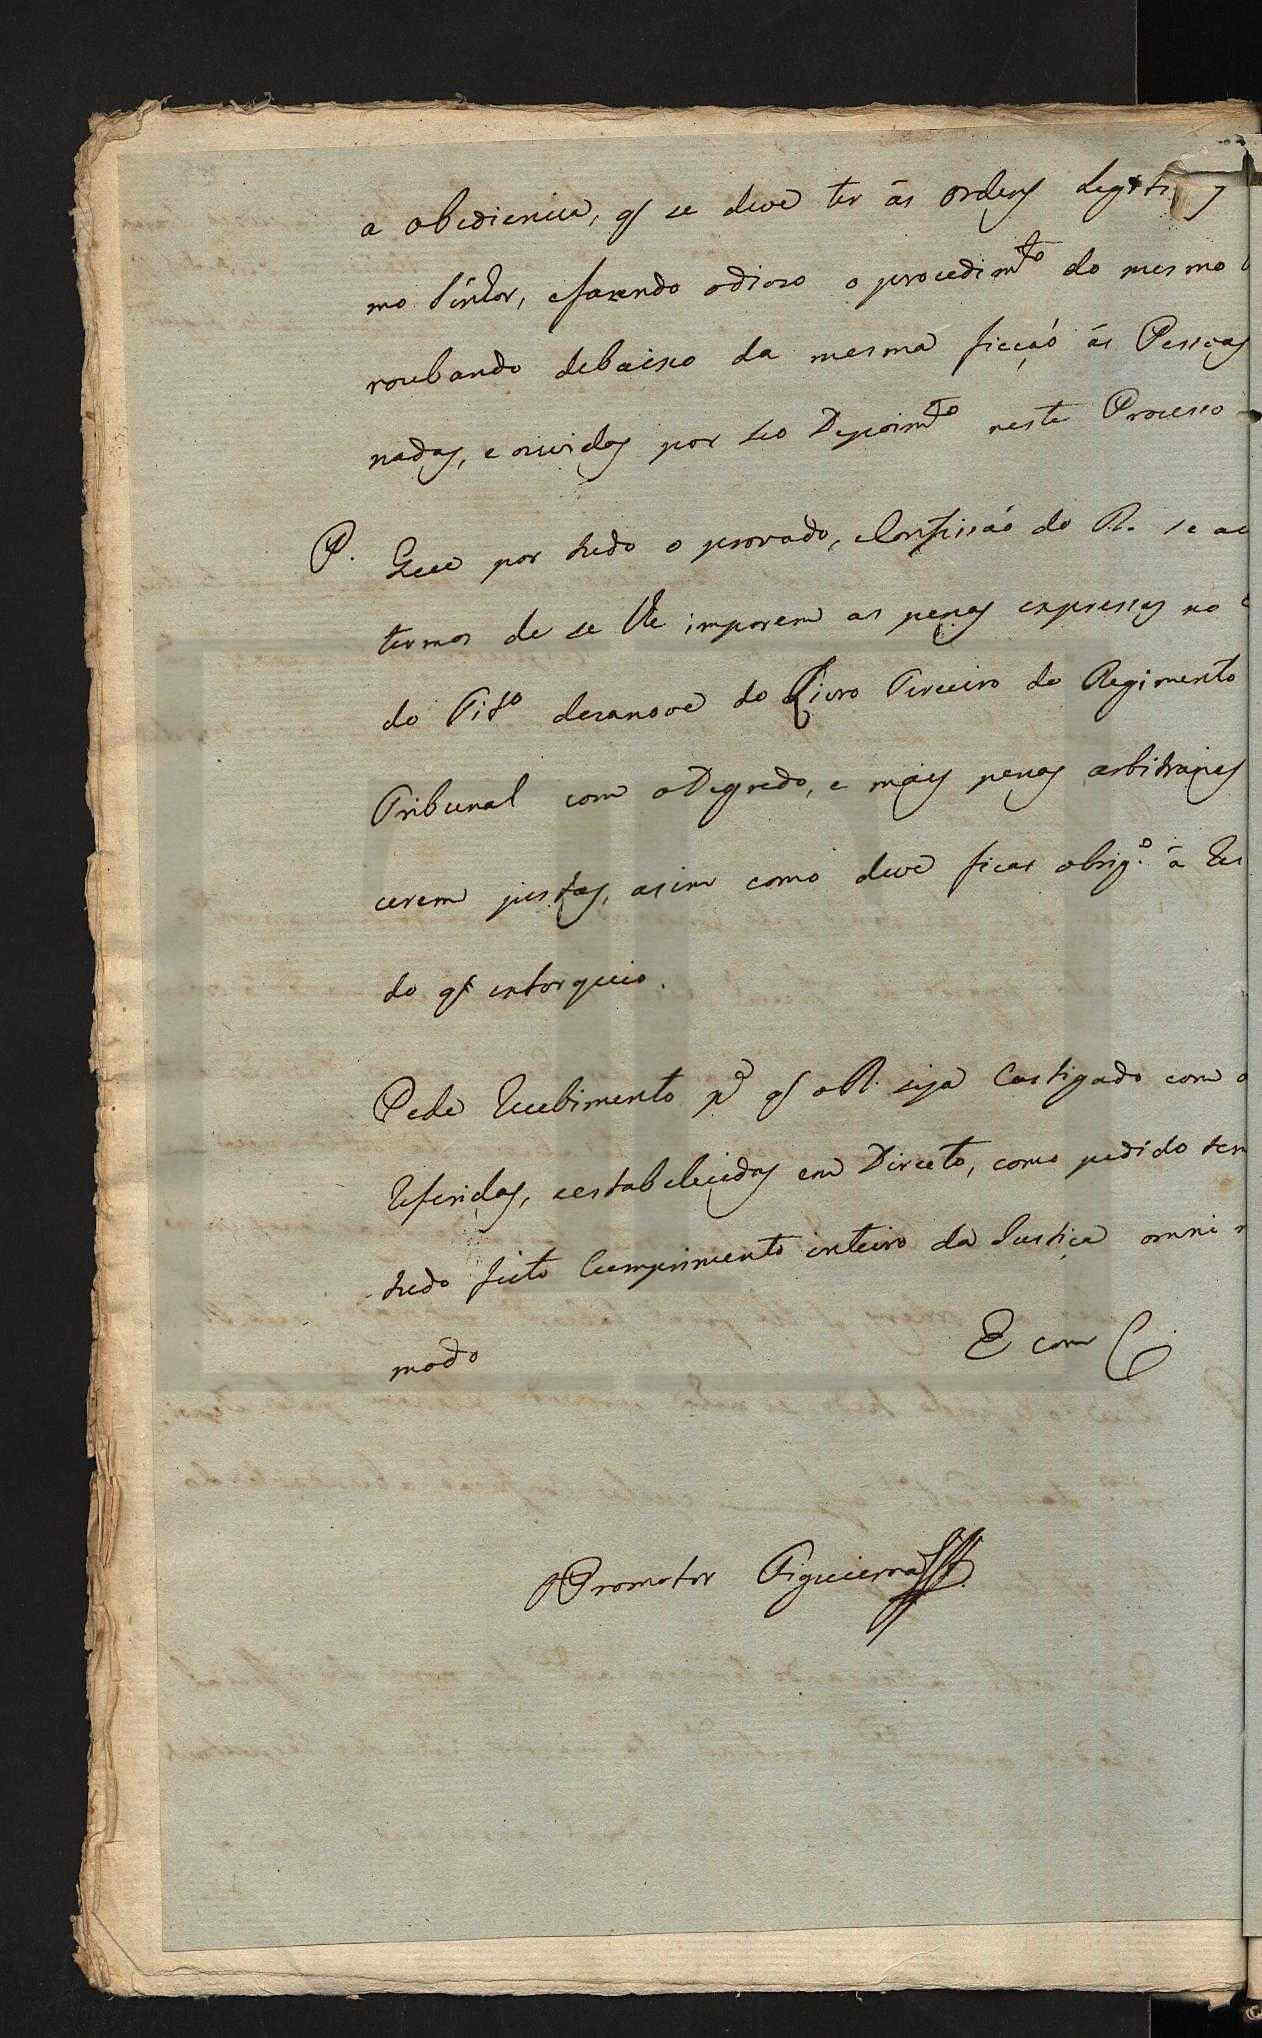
a obediencia, q̄ se deve ter ás ordens Legiti__
mo Sênhor, e fazendo odiozo o procedimto do mesmo
roubando debaixo da mesma ficçaõ às Pessoas
nadas, e ouvidas por seo Depoim.to neste Processo
P. Que por tudo o provado, e Confissaõ do R. se ac
termos de se lhe imporem as penas expressas no
do Tit.o dezanove do Livro Terceiro do Regimento
Tribunal com o Degredo, e mais penas arbitrarias
cerem justas, asim como deve ficar obrig.o á hu
do q̄ extorquio.
Pede Recebimento p.a q̄ o R. seja castigado com o
Referidas, e estabelecidas em Direito, como pedido ter
tudo feito cumprimento inteiro da Iustiça omni
E com C.
modo
